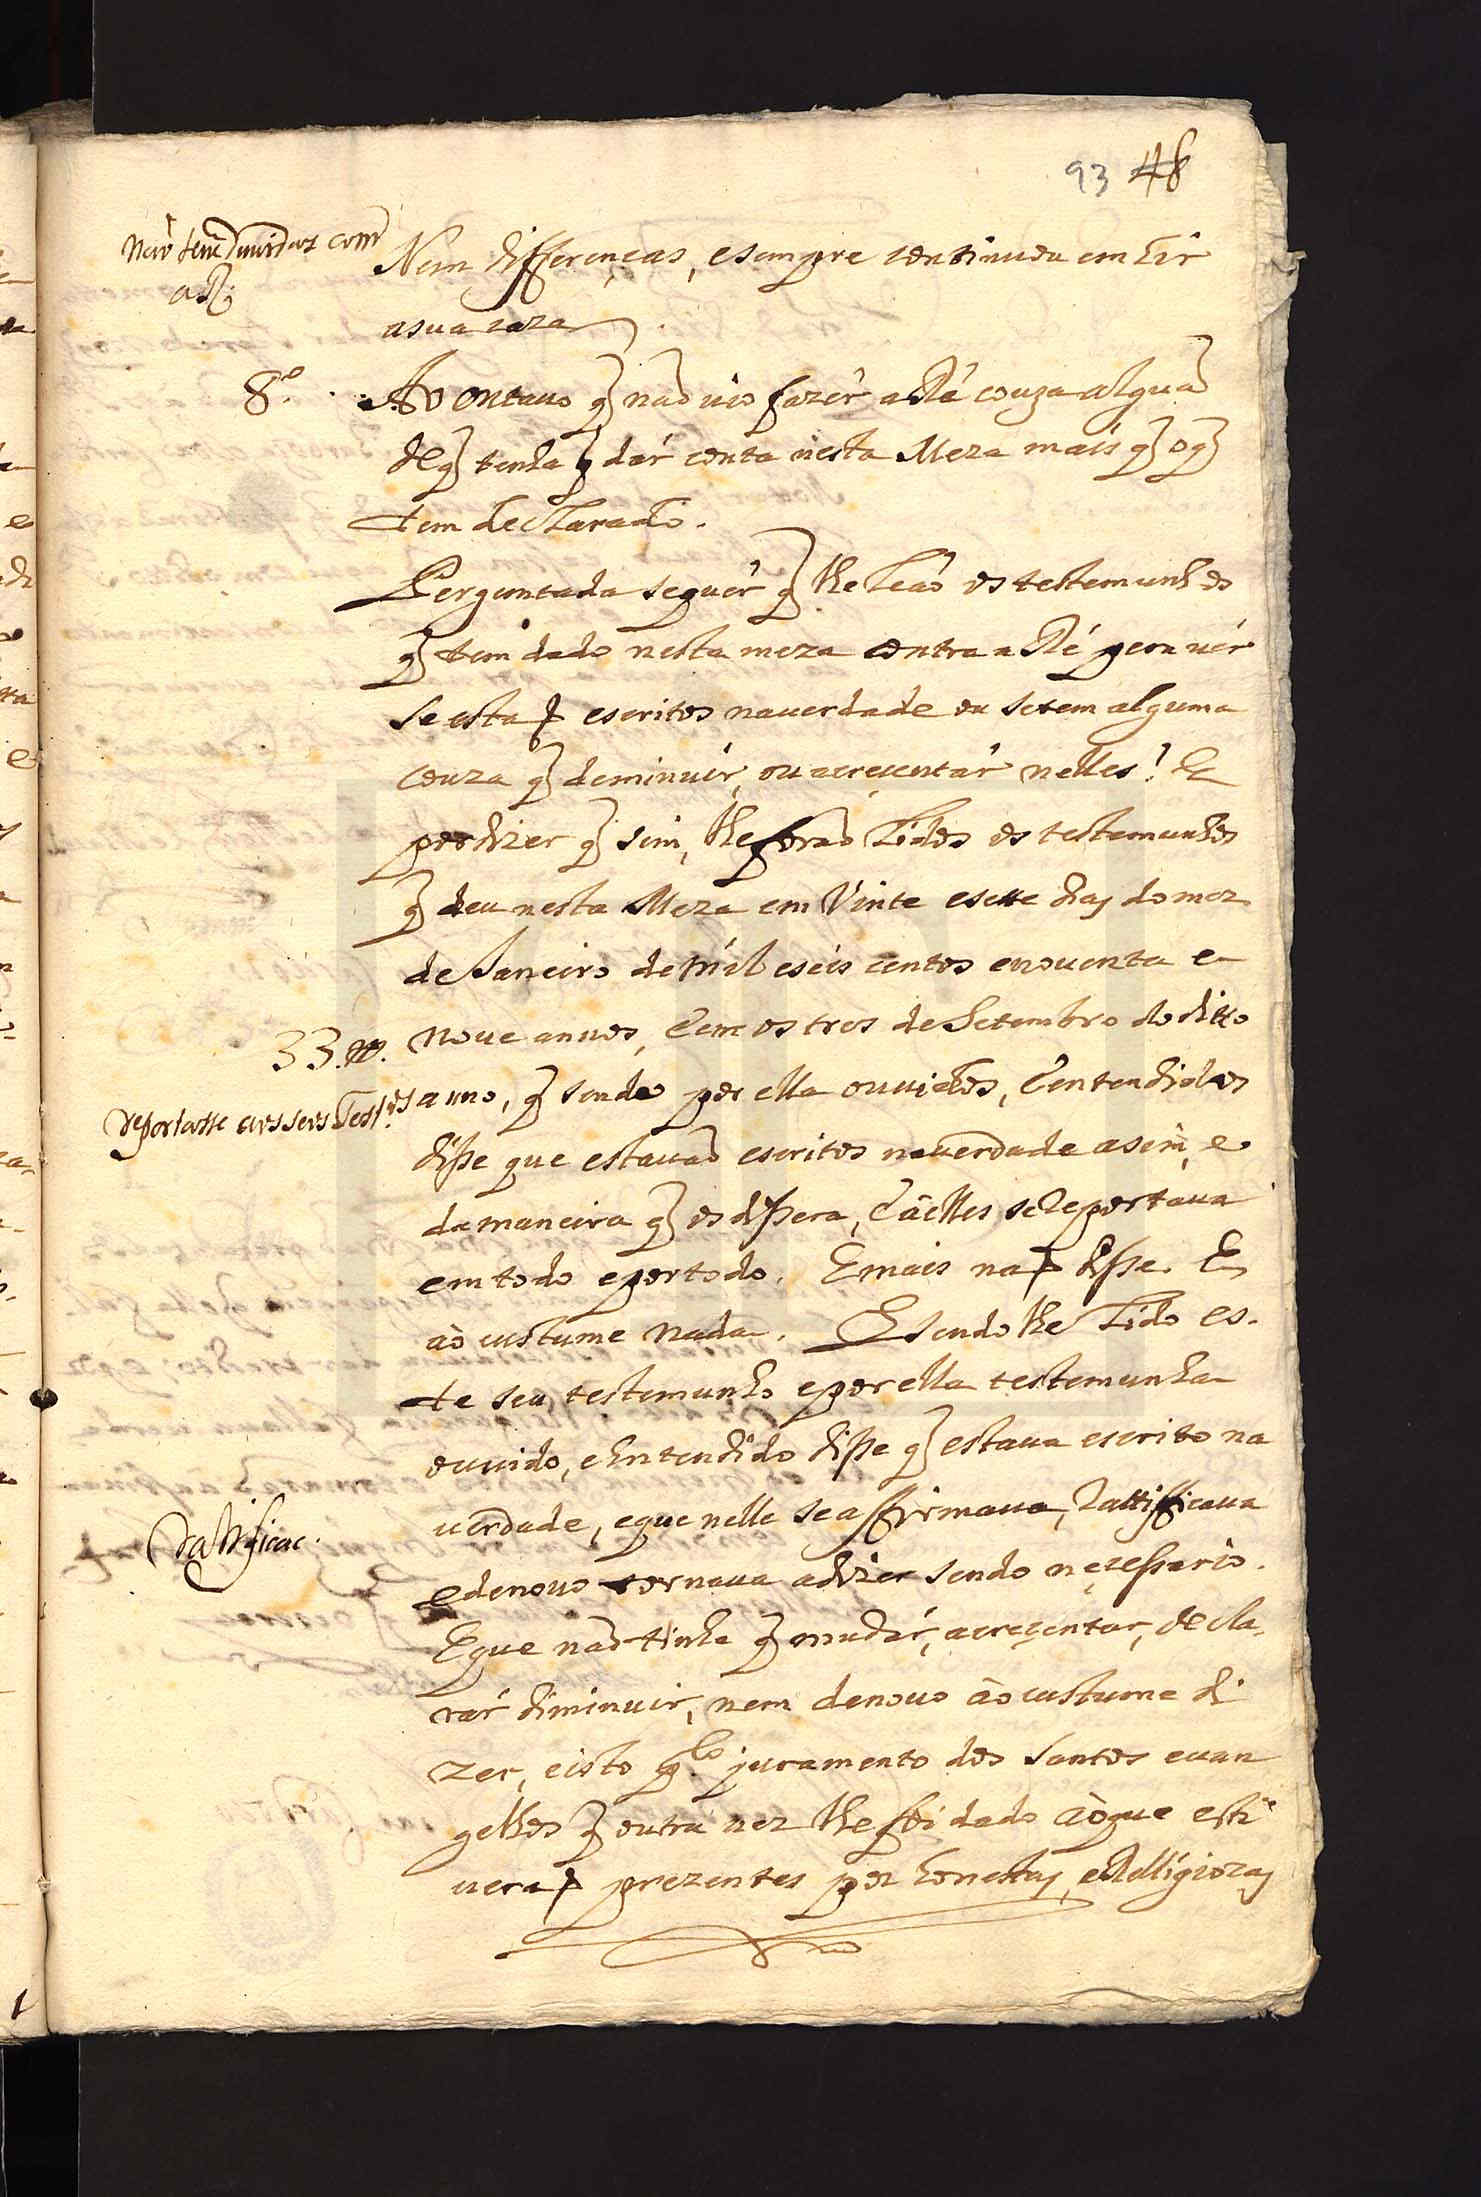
naõ tem duuidas com
a R.
8.o
33. ttos.
deportasse aos seus Test.os
ratificac.
Nem differenças, e sempre continuou em hir
a sua caza
Ao outauo q̄ naõ uio fazer a Ré couza alguā
de q̄ tenha q̄ dar conta nesta Meza mais q̄ o q̄
tem declarado.
Perguntada se quer q̄ lhe leaõ os testemunhos
q̄ tem dado nesta meza contra a Ré pera uer
se estaõ escritos na uerdade ou se tem alguma
couza q̄ deminuir, ou acrecentar nelles? E
por dizer q̄ sim, lhe forão Lidos os testemunhos
q̄ deu nesta Meza em Vinte e sette dias do mez
de Ianeiro de mil e seiscentos e nouenta e
noue annos, e em os tres de Setembro do ditto
anno, q̄ sendo por ella ouuidos, e entendidos
disse que estauaõ escritos na uerdade asim, e
da maneira q̄ os dissera, e á elles se reportaua
em todo e por todo. E mais naõ disse. E
ao custume nada. E sendolhe Lido es
te seu testemunho e por ella testemunha
ouuido, e Entendido disse q̄ estaua escrito na
uerdade, e que nelle se affirmaua, Rattifficaua
e de nouo tornaua a dizer sendo necessario.
E que naõ tinha q̄ mudar, acrecentar, decla
rar diminuir, nem de nouo ào custume di
zer, e isto p.lo juramento dos Santos euan
gelhos q̄ outra uez lhe foi dado ao que esti
ueraõ prezentes por honestas, e Relligiozas
